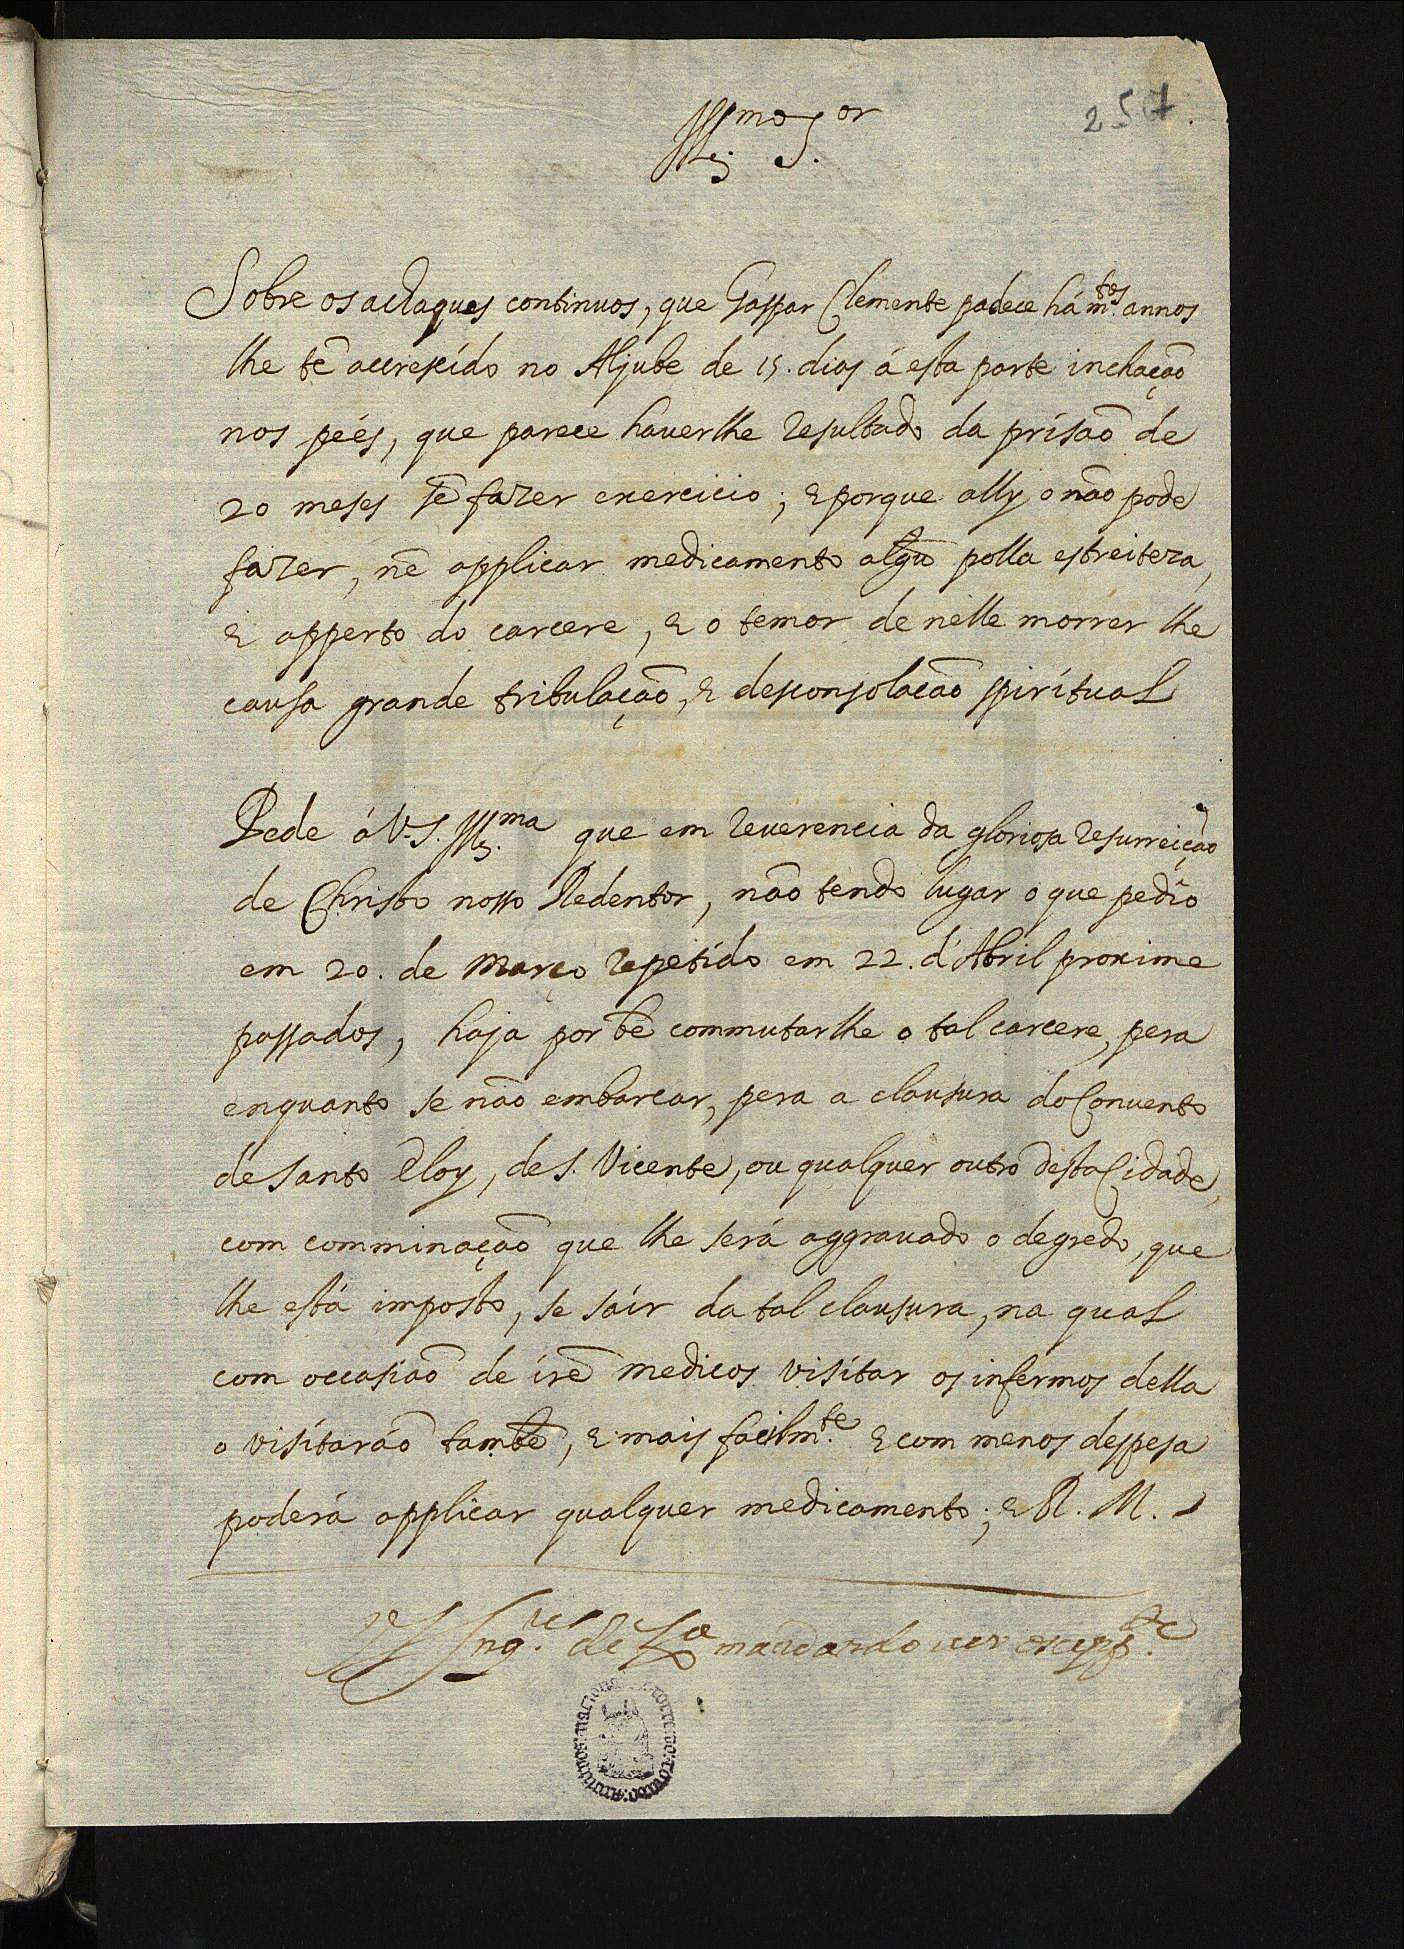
Ill.mo S.or
Sobre os achaques continuos, que Gaspar Clemente padece há mtos. annos
lhe tē accrescido no Aljube de 15. dias á esta parte inchação
nos peés, que parece hauerlhe Resultado da prisão de
20 meses sē fazer exercicio; E porque ally o não pode
fazer, nē applicar medicamento algū polla estreiteza,
E apperto do carcere, E o temor de nelle morrer lhe
causa grande tribulaçaõ, E desconsolação spirituaL
Pede á V. S. Ills.ma que em Reuerencia da gloriosa Resurreição
de Christo nosso Redentor, não tendo lugar o que pedio
em 20. de Março Repetido em 22. d'Abril proxime
passados, haja por bē commutarlhe o tal carcere, pera
enquanto se naõ embarcar, pera a clausura do Conuento
de santo eloy, de s. Vicente, ou qualquer outro desta Cidade,
com comminaçaõ que lhe será aggrauado o degredo, que
lhe está imposto, se sair da tal clausura, na qual
com occasião de irē medicos visitar os infermos della
o visitaraõ tambē, e mais facilm.te E com menos despesa
poderá applicar qualquer medicamento; E R. M.
OS Jnq.res de Lxa mandando uer o supp.te
